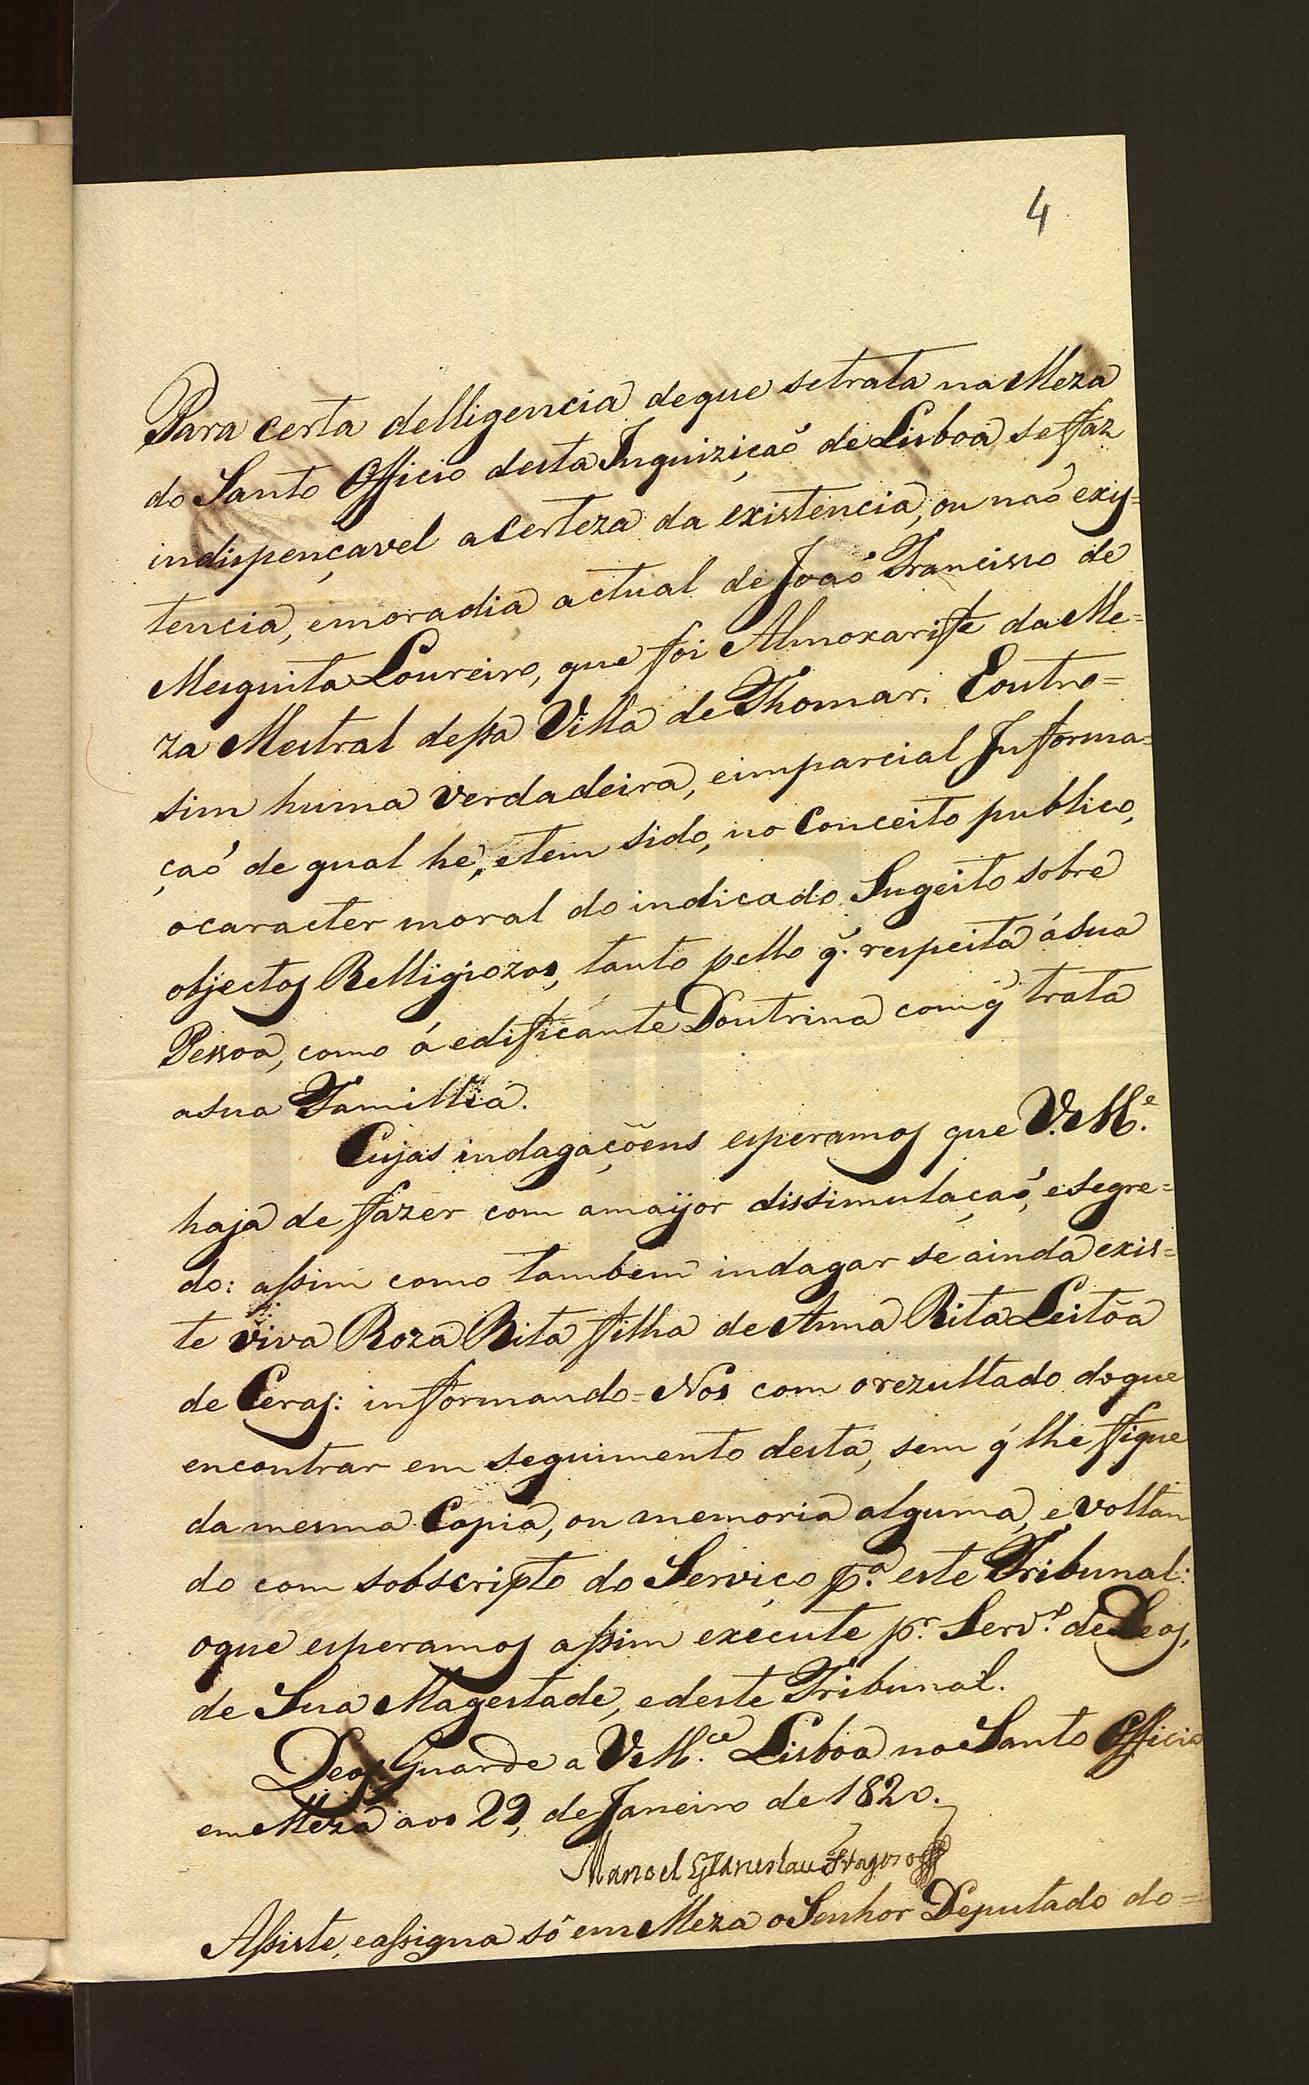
Para certa delligencia de que se trata na Meza
do Santo Officio desta Inquiziçaõ de Lisboa se faz
indipençavel a certeza da existencia, ou naõ exis
tencia, e moradia actual de Joaõ Francisco de
Mesquita Loureiro, que foi Almoxarife da Me
za Mestral desta Villa de Thomar: E outro
sim huma verdadeira, e imparcial Jnforma
çaõ de qual he, e tem sido, no conceito publico,
o carater moral do indicado Sugeito sobre
objectos Relligiozos, tanto pello q̄ respeita á sua
Pessoa, como á edificante Doutrina com q̄ trata
a sua Famillia.
Cujas indagaçõens esperamos que V.M.e
haja de fazer com a mayor dissimulaçaõ, e segre
do: assim como tambem indagar se ainda exis
te viva Roza Rita filha de Anna Rita Leitoa
de Ceras: informando-Nos com o rezultado do que
encontrar em seguimento desta, sem q̄ lhe fique
da mesma Copia, ou memoria alguma, e voltan
do com sobscripto do Serviço p.a este Tribunal:
o que esperamos assim execute p.r Serv.o de Deos,
de Sua Magestade, e deste Tribunal.
Deos Guarde a VM.ce Lisboa no Santo Officio
em Meza aos 29, de Janeiro de 1820.
Manoel Estanislau Fragoso
Assiste, e assigna só em Meza o Senhor Deputado do
